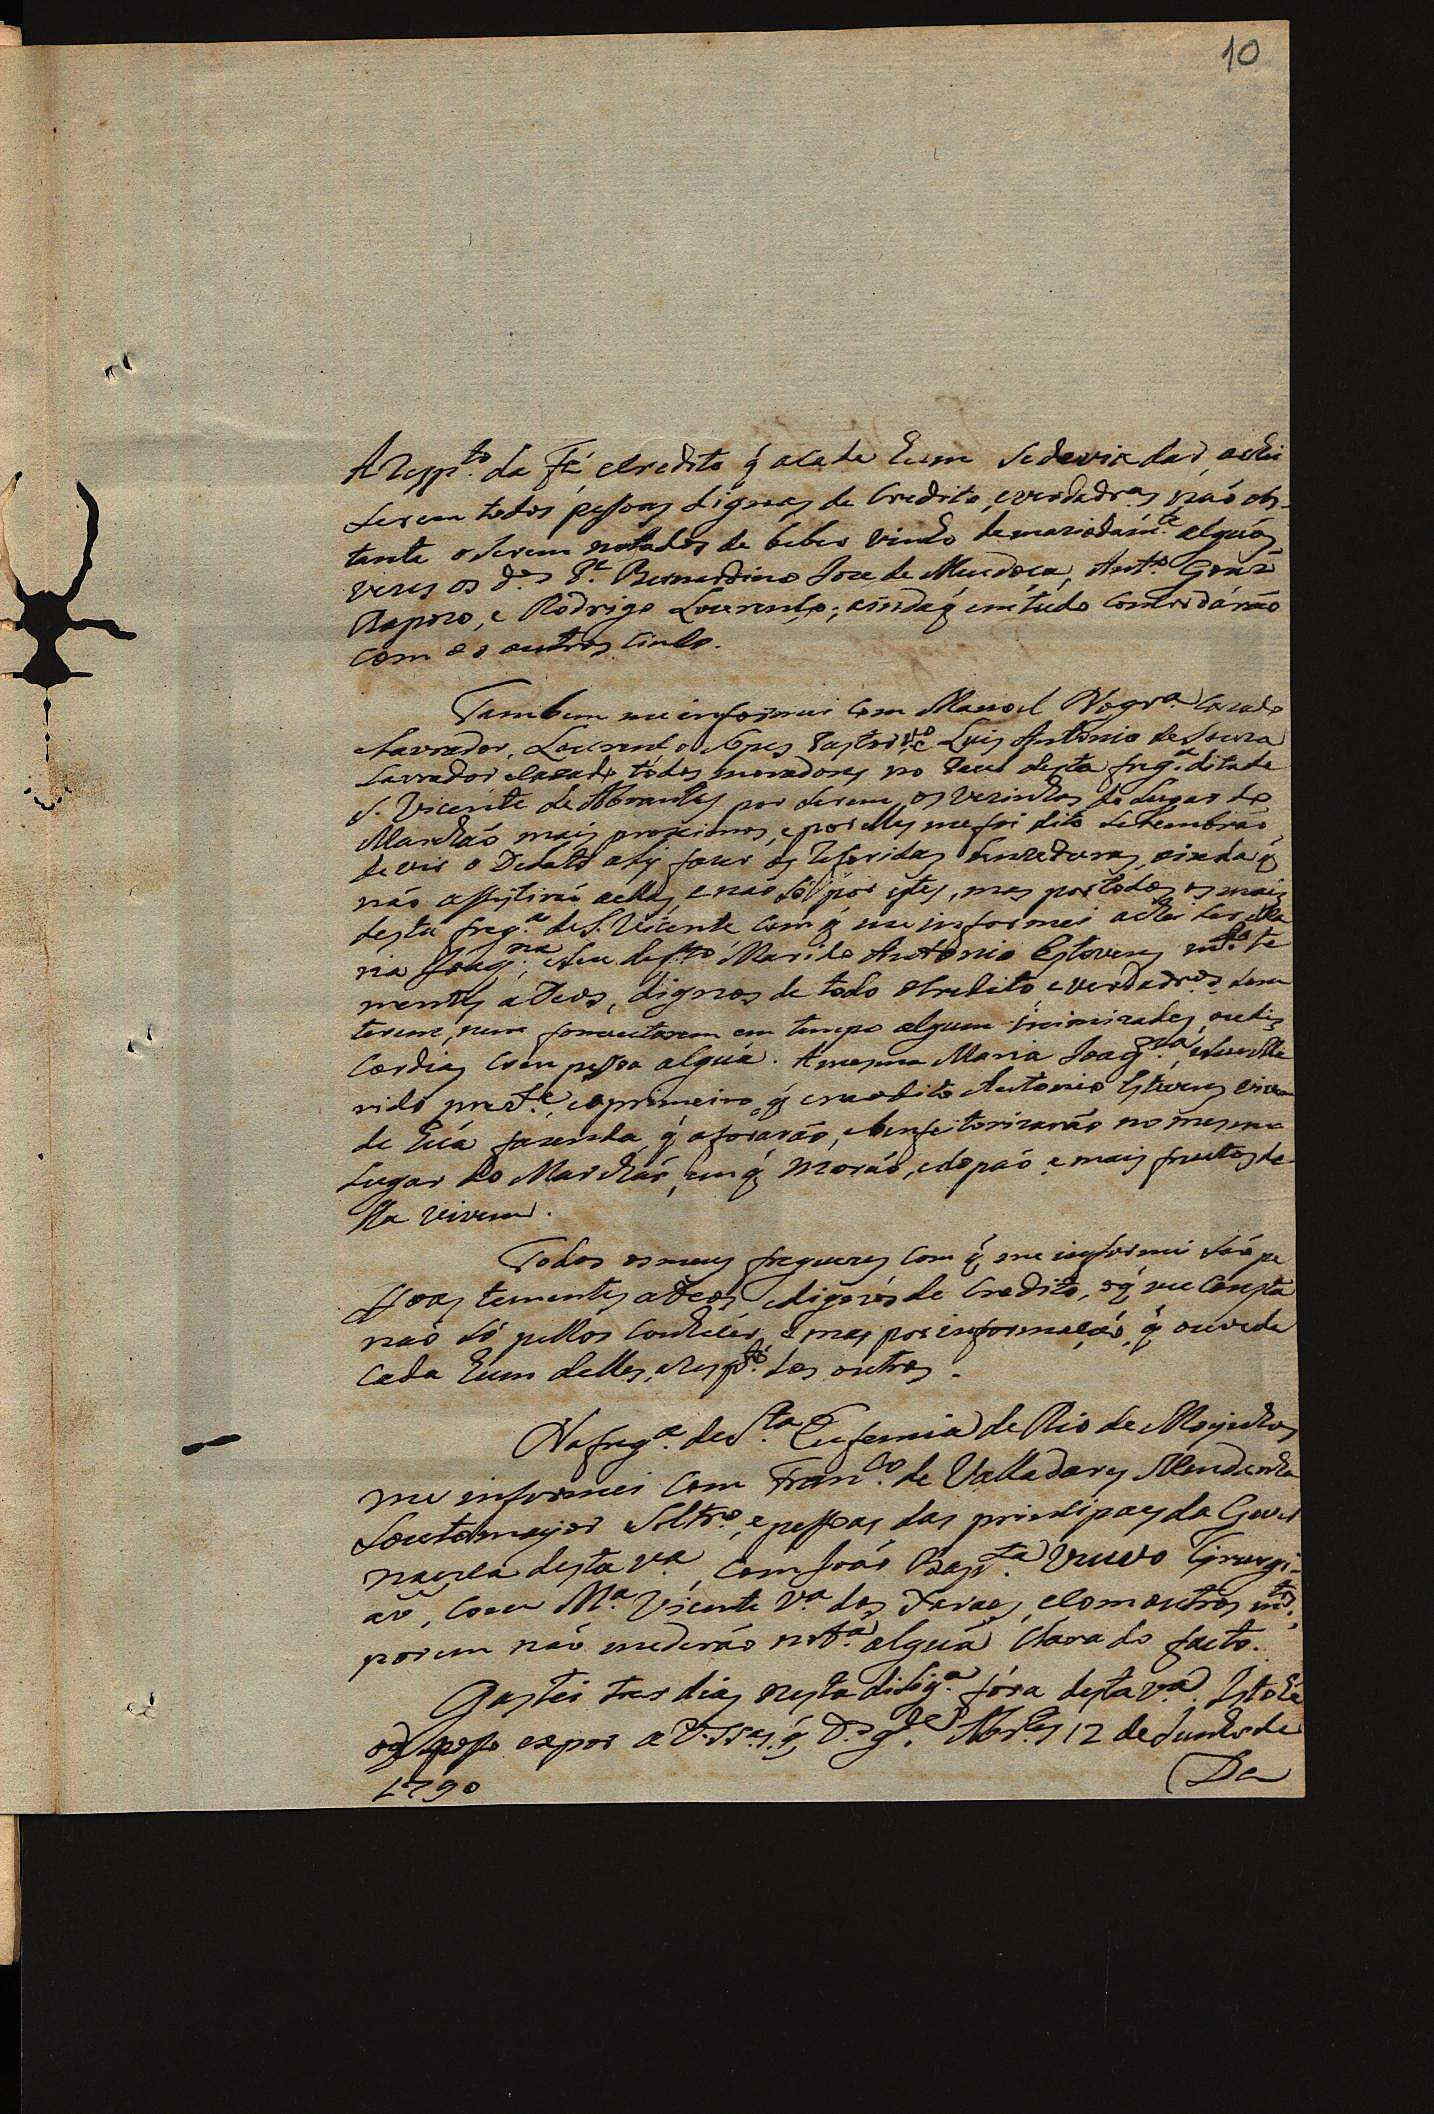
10
A Resp.to da Fé, e credito q̄ a cada hum se devia dar, achei
serem todos pessoas dignas de credito, e verdadr.as naõ obs
tante o serem notadas de beber vinho demaziadam.te alguās
vezes os d.os P.e Bernardino Joze de Mendoça, Anto Gonz̄
Rapozo, e Rodrigo Lourenço; ainda q̄ em tudo concordaraõ
com os outros cinco.
Tambem me informei com Manoel Nogr.a cazado
Lavrador, Lourenço lopes Pastor vo, e Luis Antonio de Souza
Lavrador e cazado todos moradores no Paul desta freg.a dita de
s. Vicente de Abrantes por serem os vezinhos do Lugar do
Marchaõ mais proximos, e por elles me foi dito se lembraõ
de vir o Delato ahy fazer as Referidas benzeduras, ainda q̄
não assistiraõ a ellas, e naõ só por estes, mas por todos os maiz
desta freg.a de S. Vicente, com q̄ me informei achei ser Ma
ria Joaq;na e seu dfto Marido Antonio Estevens m.to te
mentes a Deos, dignos de todo o Credito, e verdadr.os sem
terem, nem fomentarem em tempo algum inimizades, ou diz
cordias com pessoa alguā. A mesma Maria Joaq.na, e seu Ma
rido prezt.e, e o primeiro, q̄ era o dito Antonio Estevens viv
de huā fazenda, q̄ aforarão, e benfeitorizarão no mesmo
Lugar do Marchaõ, em q̄ morão, e do paõ, e mais fructos de
lla vivem.
Todos os meus freguezes, com q̄ me informei saõ pe
ssoas tementes a deos, e dignos de credito, o q̄ me consta
naõ só pellos conhecer, e mas por informaçaõ, q̄ ouvi de
cada hum delles, a Resp.to dos outros.
Na freg.a de S.ta Eufemia de Rio de Moynhos
me informei com Fran.co de Valladares Mendenha
Soutomayor soltr.o, e pessoas das principaes da Gover
nanca desta V.a, com Joaõ Bap.ta veuvo Cjrurgi
aõ, com M.a Vicente V.a dos Xaraes, e com outros m.tos,
porem naõ me derão not.a alguā clara do facto.
Gastei tres dias nesta dilig.a fóra desta V.a Isto hé
o q̄ posso expor a V.ss.as q̄ D.s g.de Abr.tes 12 de Junho de
1790
De
